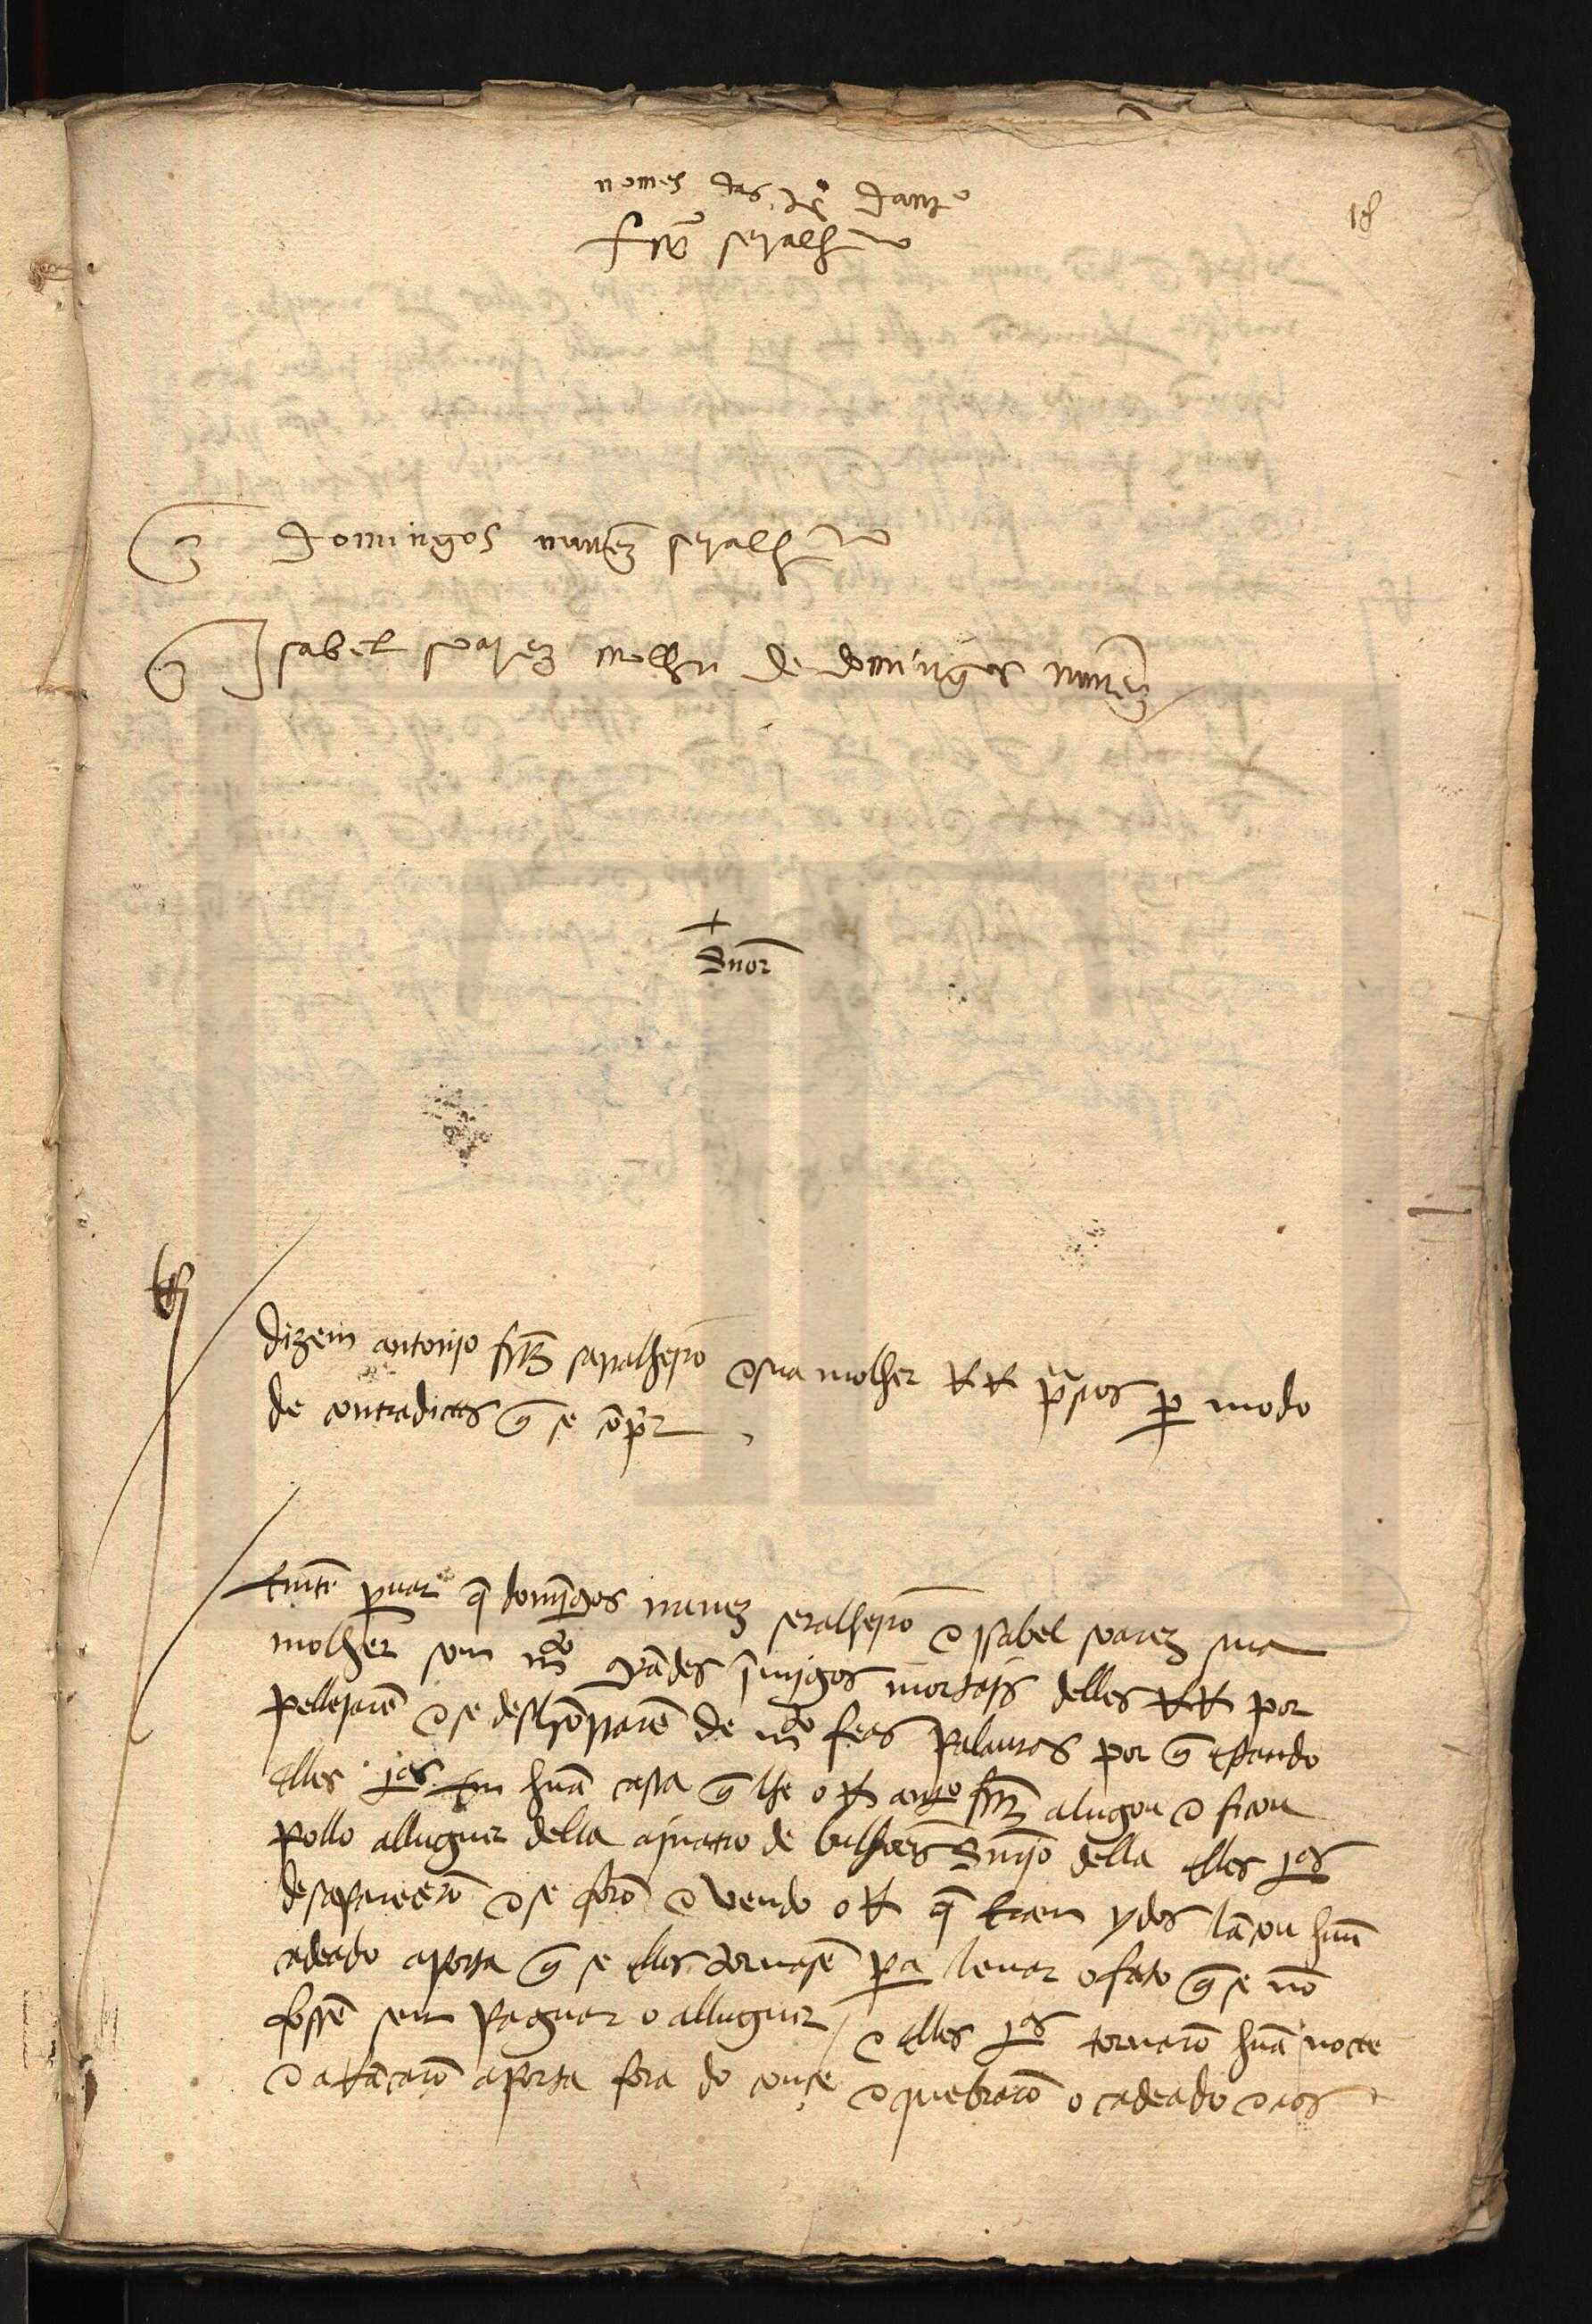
nomes das ts danto
frrz̄ seralhro
item domingos nunez seralhro
item Jsabel soarez molher de domingos nunez
Sn̄or
dizem antonjo frz̄z saralhejro e sua molher RR p̄sos ꝑ modo
de contradictas q̄ se c̄op̄r
Emt̄i. ꝓuar q̄ domj̄gos nunez seralhejro e jsabel soarez sua
molher som mto grādes j̄mjgos mortajs delles RR por
pellejar̄e e se deshōrrar̄e de mto feas palauras por q̄ Estando
Elles tas Em hūa cassa q̄ lhe o R anto fr̄rz alugou e ficou
pollo alluguer della a jnatio de bulhoẽs Sn̄rjo della Elles tas
desaparecer̄o e se for̄o e vendo o R q̄ Eram ydos lācou huū
cadeado a porta q̄ se Elles tornas̄e ꝑa leuar o fato q̄ se n̄o
foss̄e sem paguar o alluguer / e Elles tas tornar̄o hūa nocte
e aRācar̄o a porta fora do couee e quebrar̄o o cadeado e aos
